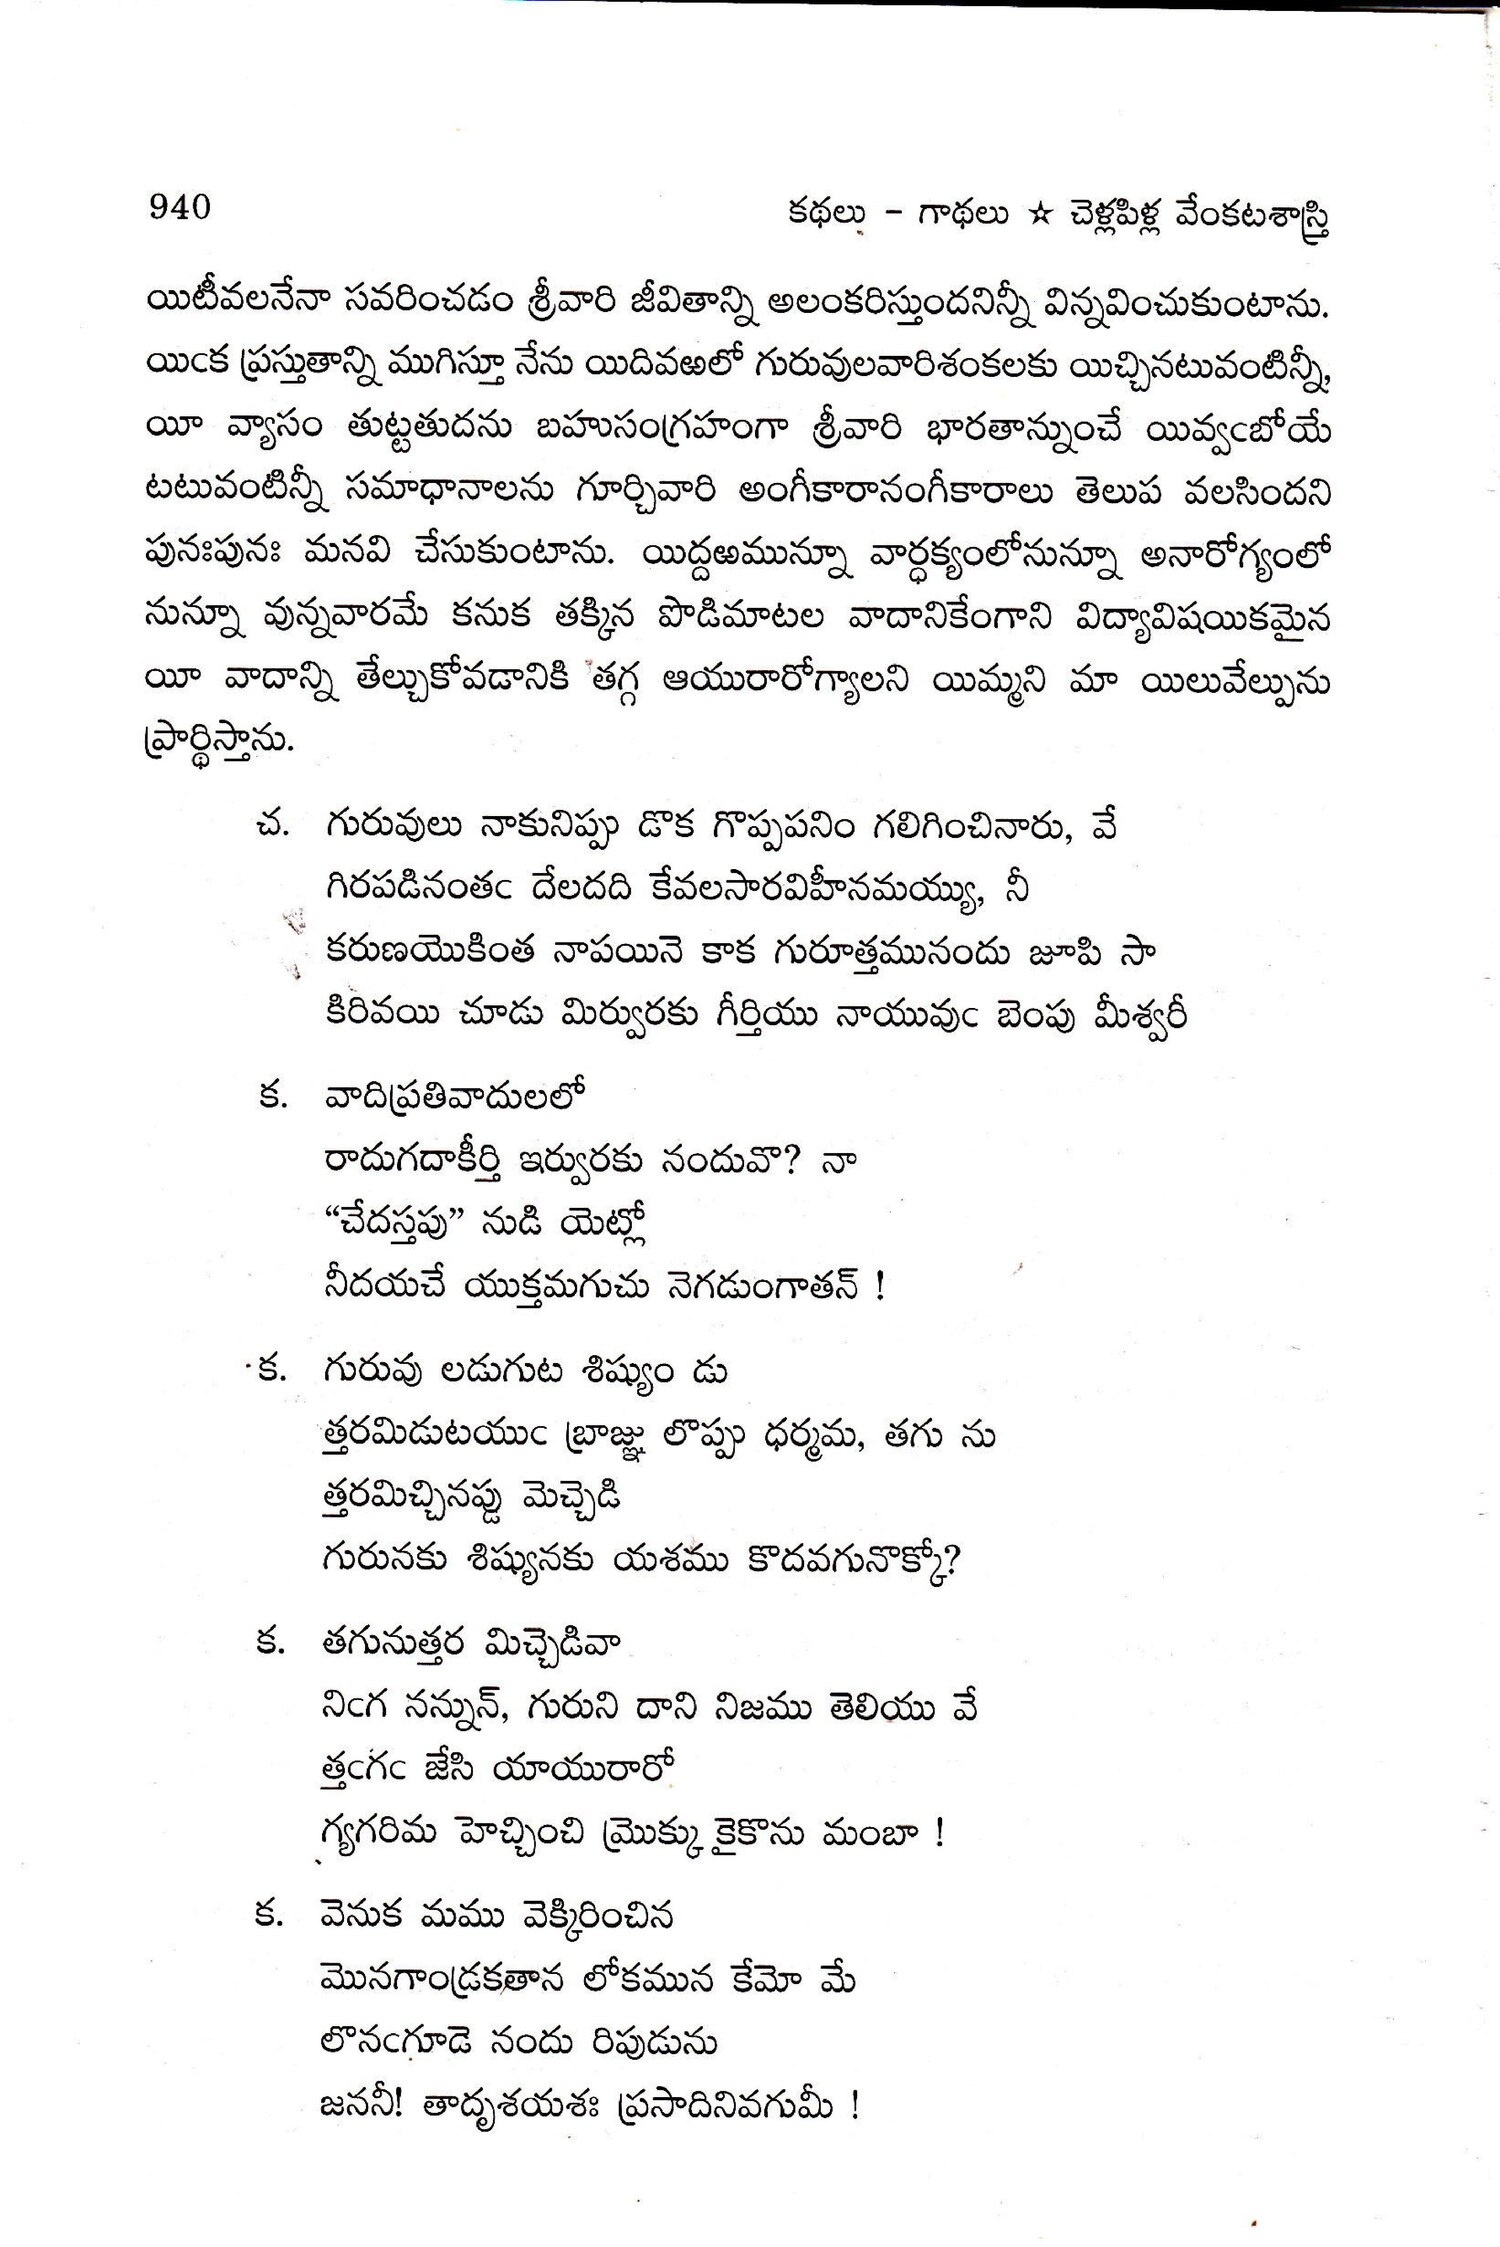యిటీవలనేనా సవరించడం శ్రీవారి జీవితాన్ని అలంకరిస్తుందనిన్నీ విన్నవించుకుంటాను. యిఁక ప్రస్తుతాన్ని ముగిస్తూ నేను యిదివఱలో గురువులవారిశంకలకు యిచ్చినటువంటిన్నీ యీ వ్యాసం తుట్టతుదను బహుసంగ్రహంగా శ్రీవారి భారతాన్నుంచే యివ్వఁబోయే టటువంటిన్నీ సమాధానాలను గూర్చివారి అంగీకారానంగీకారాలు తెలుప వలసిందని పునఃపునః మనవి చేసుకుంటాను. యిద్దఱమున్నూ వార్ధక్యంలోనున్నూ అనారోగ్యంలో నున్నూ వున్నవారమే కనుక తక్కిన పొడిమాటల వాదానికేంగాని విద్యావిషయికమైన యీ వాదాన్ని తేల్చుకోవడానికి తగ్గ ఆయురారోగ్యాలని యిమ్మని మా యిలువేల్పును ప్రార్ధిస్తాను.

చ. గురువులు నాకునిప్పు డొక గొప్పపనిం గలిగించినారు, వే 
 గిరపడినంతఁ దేలదది కేవలసారవిహీనమయ్యు, నీ
 కరుణయొకింత నాపయినె కాక గురూత్తమునందు జూపి సా 
 కిరివయి చూడు మిర్వురకు గీర్తియు నాయువుఁ బెంపు మీశ్వరీ

క. వాది ప్రతివాదులలో
 రాదుగదాకీర్తి ఇర్వురకు నందువొ? నా 
 “చేదస్తపు" నుడి యెట్లో 
 నీదయచే యుక్తమగుచు నెగడుంగాతన్ !

క. గురువు లడుగుట శిష్యుం డు
 త్తరమిడుటయుఁ బ్రాజ్ఞు లొప్పు ధర్మమ, తగు ను 
 త్తరమిచ్చినప్డు మెచ్చెడి 
 గురునకు శిష్యునకు యశము కొదవగునొక్కో?

క. తగునుత్తర మిచ్చెడివా
 నిఁగ నన్నున్, గురుని దాని నిజము తెలియు వే 
 త్తఁగఁ జేసి యాయురారో 
 గ్యగరిమ హెచ్చించి మ్రొక్కు కైకొను మంబా !

క. వెనుక మము వెక్కిరించిన
 మొనగాండ్రకతాన లోకమున కేమో మే 
 లొనఁగూడె నందు రిపుడును 
 జననీ! తాదృశయశః ప్రసాదినివగుమీ !